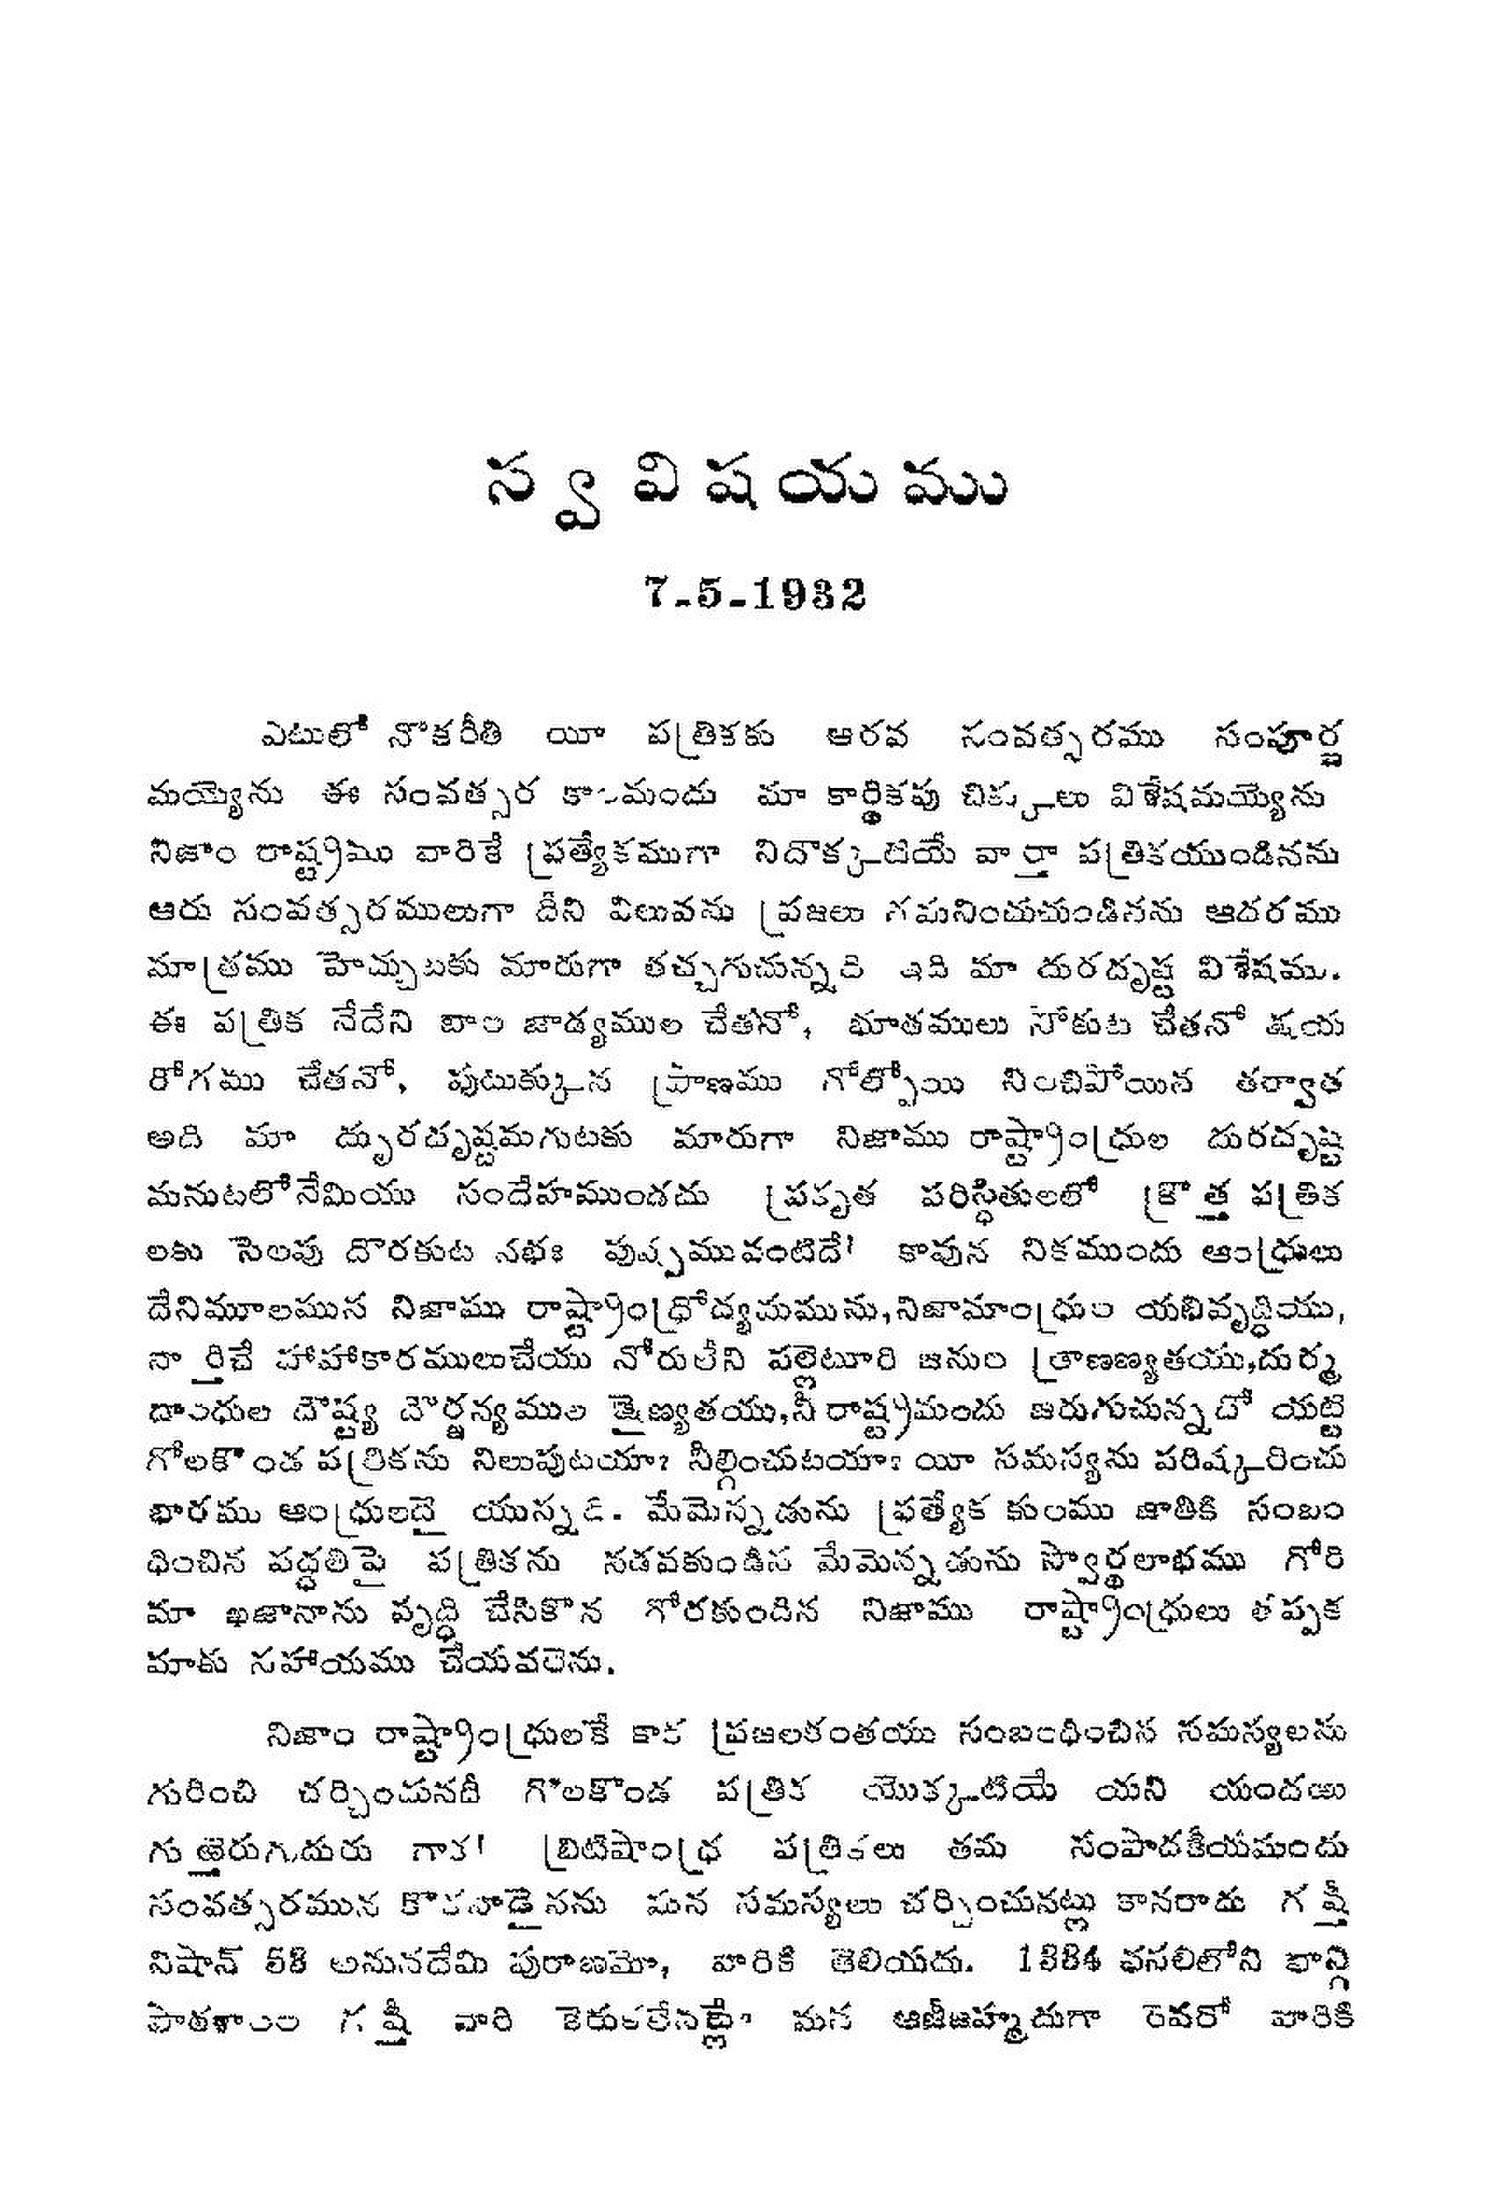స్వవిషయము

7 - 5 - 1932

ఎటులో నొకరీతి యీ పత్రికకు ఆరవ సంవత్సరము సంపూర్ణమయ్యెను ఈ సంవత్సర కాలమందు మా కార్థికపు చిక్కులు విశేషమయ్యెను నిజాం రాష్ట్రము వారికే ప్రత్యేకముగా నిదొక్కటియే వార్తా పత్రికయుండినను ఆరు సంవత్సరములుగా దీని విలువను ప్రజలు గమనించుచుండినను ఆదరము మాత్రము హెచ్చుటకు మారుగా తచ్చగుచున్నది ఇది మా దురదృష్ట విశేషము. ఈ పత్రిక నేదేని బాల జాడ్యముల చేతనో, భూతములు సోకుట చేతనో క్షయరోగము చేతనో, పుటుక్కున ప్రాణము గోల్పోయి నిలచిపోయిన తర్వాత అది మా దృరదృష్టమగుటకు మారుగా నిజాము రాష్ట్రాంధ్రుల దురదృష్ట మనుటలోనేమియు సందేహముండదు ప్రకృత పరిస్థితులలో క్రొత్త పత్రికలకు సెలవు దొరకుట నభః పుష్పమువంటిదే! కావున నికముందు ఆంధ్రులు దేనిమూలమున నిజాము రాష్ట్రాంధ్రోద్యమమును, నిజామాంధ్రుల యభివృద్ధియు, నార్తిచే హాహాకారములు చేయు నోరులేని పల్లెటూరి జనుల త్రాణణ్యతయు, దుర్మదాంధుల దౌష్ట్య దౌర్జన్యముల క్షైణ్యతయు, నీ రాష్ట్రమందు జరుగుచున్నదో యట్టి గోలకొండ పత్రికను నిలుపుటయా? నీల్గించుటయా? యీ సమస్యను పరిష్కరించు భారము ఆంధ్రులదై యున్నది. మేమెన్నడును ప్రత్యేక కులము జాతికి సంబంధించిన పద్ధతిపై పత్రికను నడపకుండిన మేమెన్నడును స్వార్థలాభము గోరి మా ఖజానాను వృద్ధి చేసికొన గోరకుండిన నిజాము రాష్ట్రాంధ్రులు తప్పక మాకు సహాయము చేయవలెను.

నిజాం రాష్ట్రాంధ్రులకే కాక ప్రజలకంతయు సంబంధించిన సమస్యలను గురించి చర్చించునదీ గోలకొండ పత్రిక యొక్కటియే యని యందఱు గుఱ్తెరుగుదురు గాక! బ్రిటిషాంధ్ర పత్రికలు తమ సంపాదకీయమందు సంవత్సరమున కొకనాడైనను మన సమస్యలు చర్చించునట్లు కానరాదు గష్తీ నిషాన్ 53 అనునదేమి పురాణమో, వారికి తెలియదు. 1334 ఫసలీలోని ఖాన్గి పాఠశాలల గష్తీ వారి కెరుకలేనట్లే మన ఆజీజహ్మదుగా రెవరో వారికి